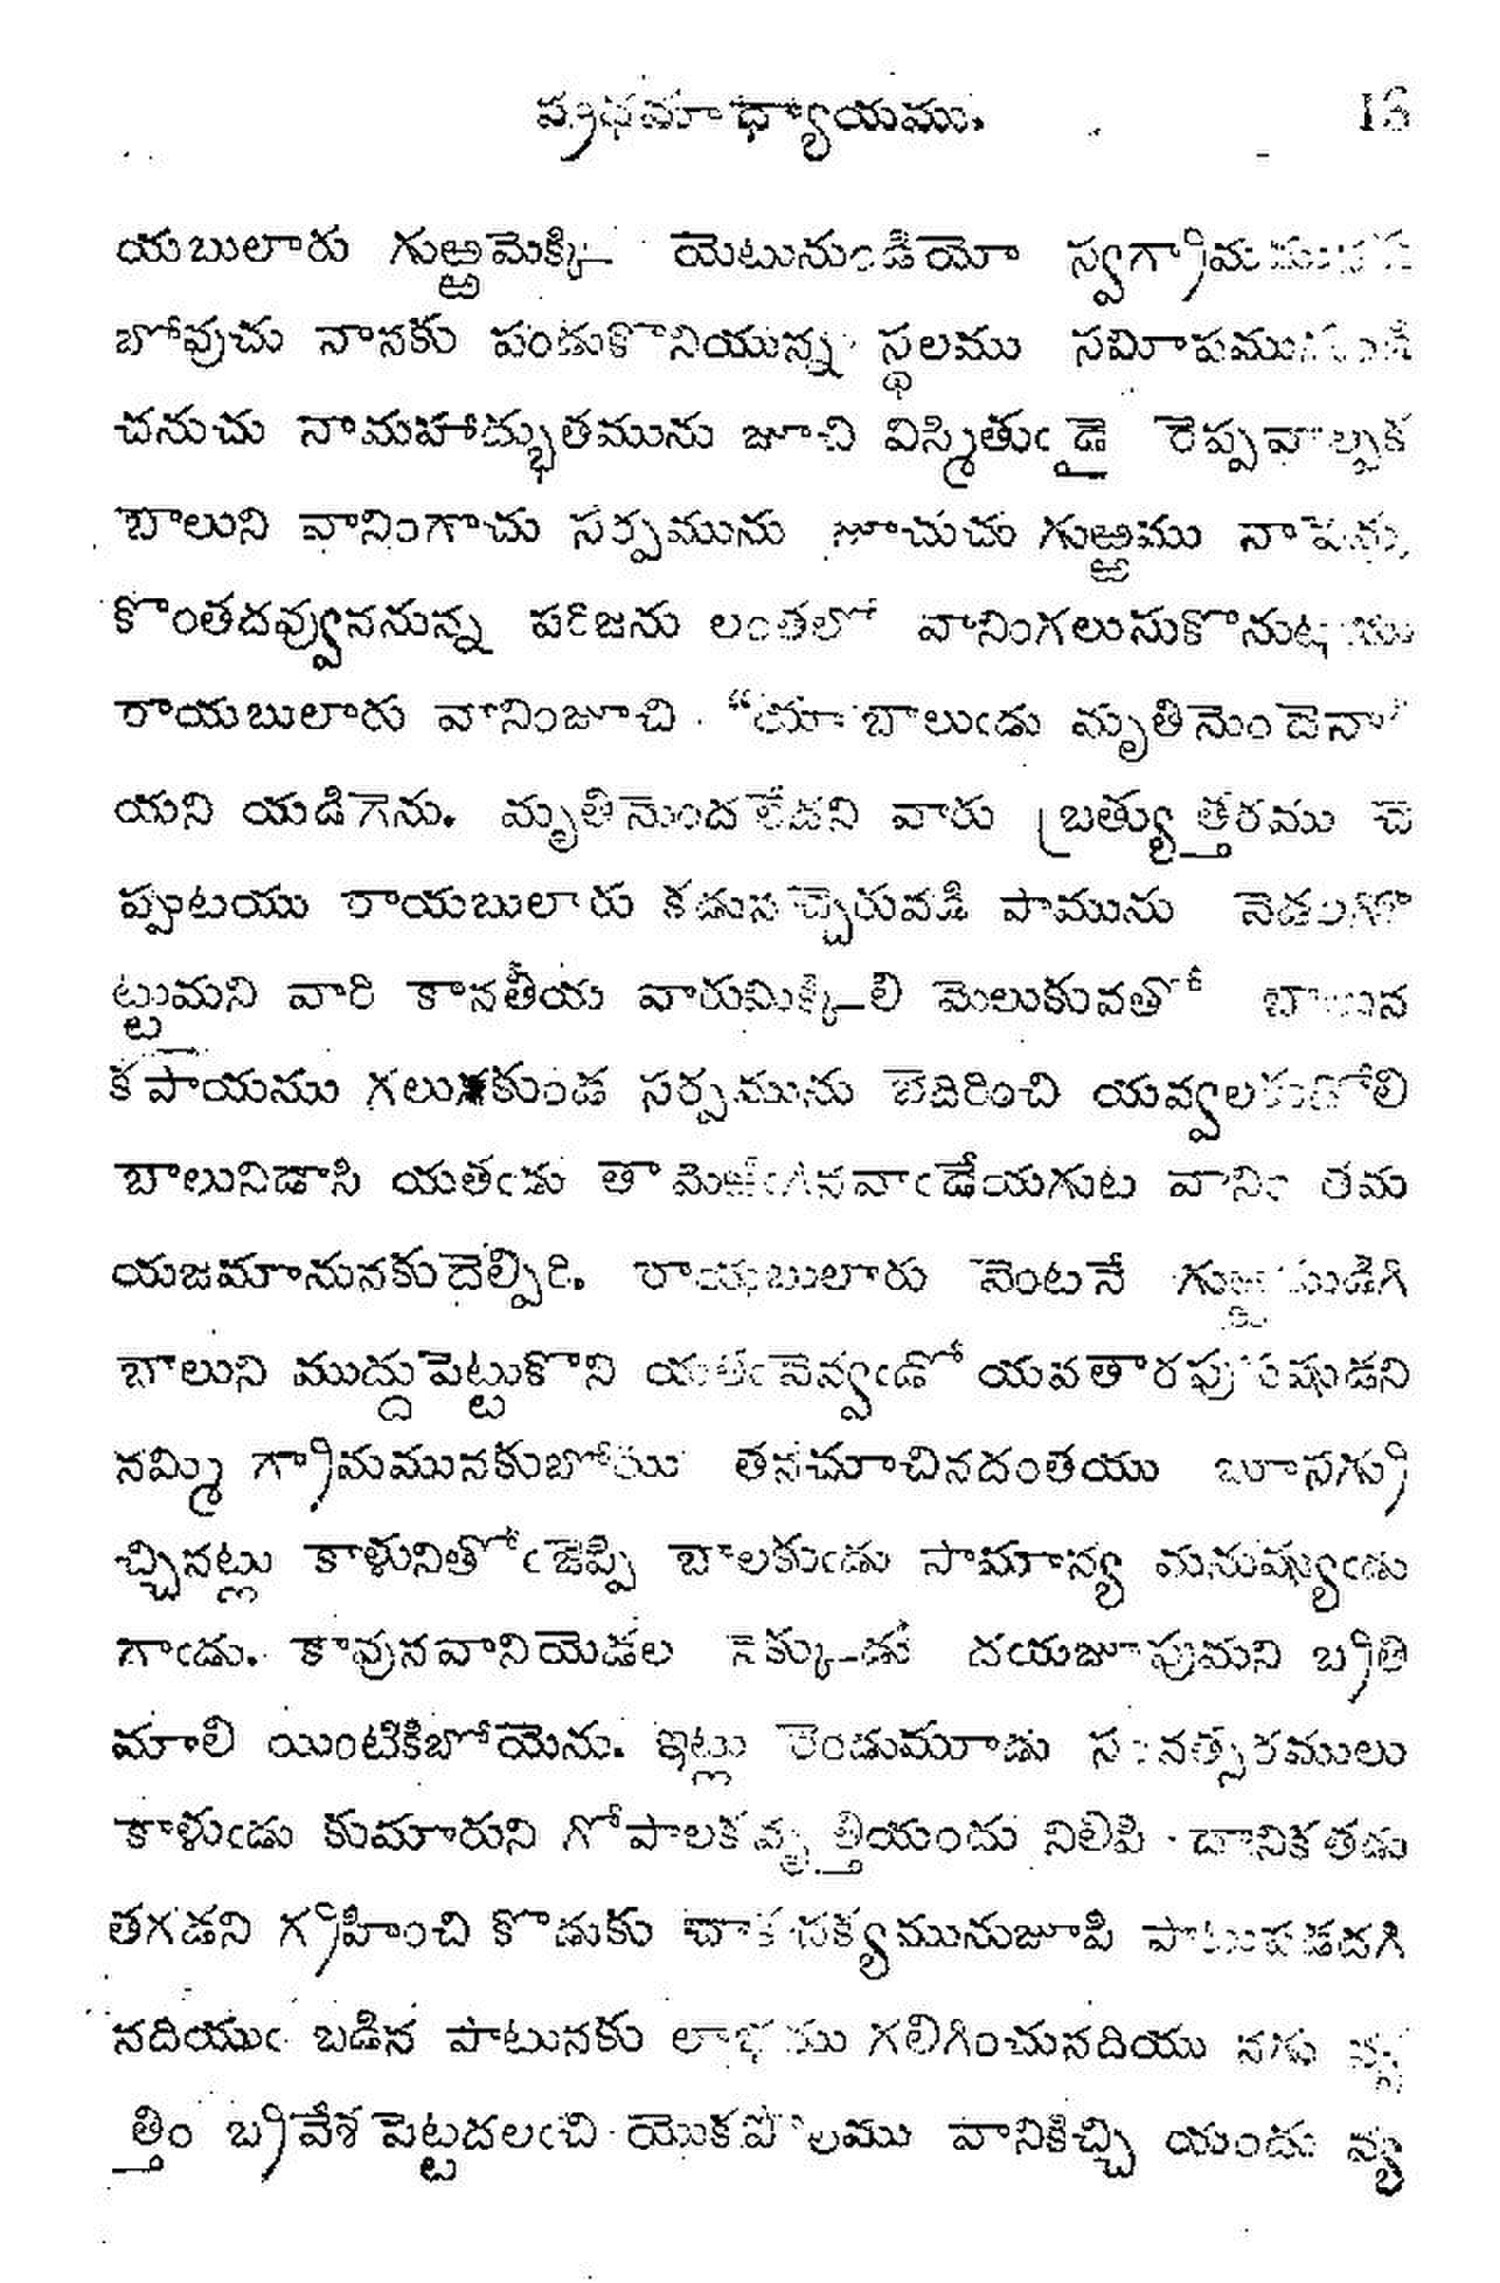యబులారు గుఱ్ఱమెక్కి యెటునుండియో స్వగ్రామమునకు బోవుచు నానకు పండుకొనియున్న స్థలము సమీపమునుండి చనుచు నామహాద్భుతమును జూచి విస్మితుడై రెప్పవాల్పక బాలుని వానింగాచు సర్పమును జూచుచు గుఱ్ఱము నాపెను. కొంతదవ్వుననున్న పరిజను లంతలో వానింగలుసుకొనుటయు రాయబులారు వానింజూచి "యాబాలుడు మృతినొందెనా" యని యడిగెను. మృతినొందలేదని వారు బ్రత్యుత్తరము చెప్పుటయు రాయబులారు కడునచ్చెరువడి పామును వెడలగొట్టుమని వారి కానతీయ వారుమిక్కిలి మెలుకవతో బాలున కపాయము గలుగకుండ సర్పమును బెదరించి యవ్వలకుదోలి బాలునిడాసి యతడు తా మెఱిగినవాడేయగుట వానిం తమయజమానునకుదెల్పిరి. రాయబులారు వెంటనే గుఱ్ఱముడిగి బాలుని ముద్దుపెట్టుకొని యతనెవ్వడో యవతారపురుషుడని నమ్మి గ్రామమునకుబోయి తనచూచినదంతయు బూసగ్రుచ్చినట్లు కాళునితో జెప్పి బాలకుడు సామాన్య మనుష్యుడు గాడు. కావునవానియెడల నెక్కుడు దయజూపుమని బ్రతిమాలి యింటికిబోయెను. ఇట్లు రెండుమూడు సంవత్సరములు కాళుడు కుమారుని గోపాలకవృత్తియందు నిలిపి దానికతడు తగడని గ్రహించి కొడుకు చాకచక్యమునుజూపి పాటుపడదగినదియు బడిన పాటునకు లాభము గలిగించునదియు నగు వృత్తిం బ్రవేశ పెట్టదలచి యొకపొలము వానికిచ్చి యందు వ్య